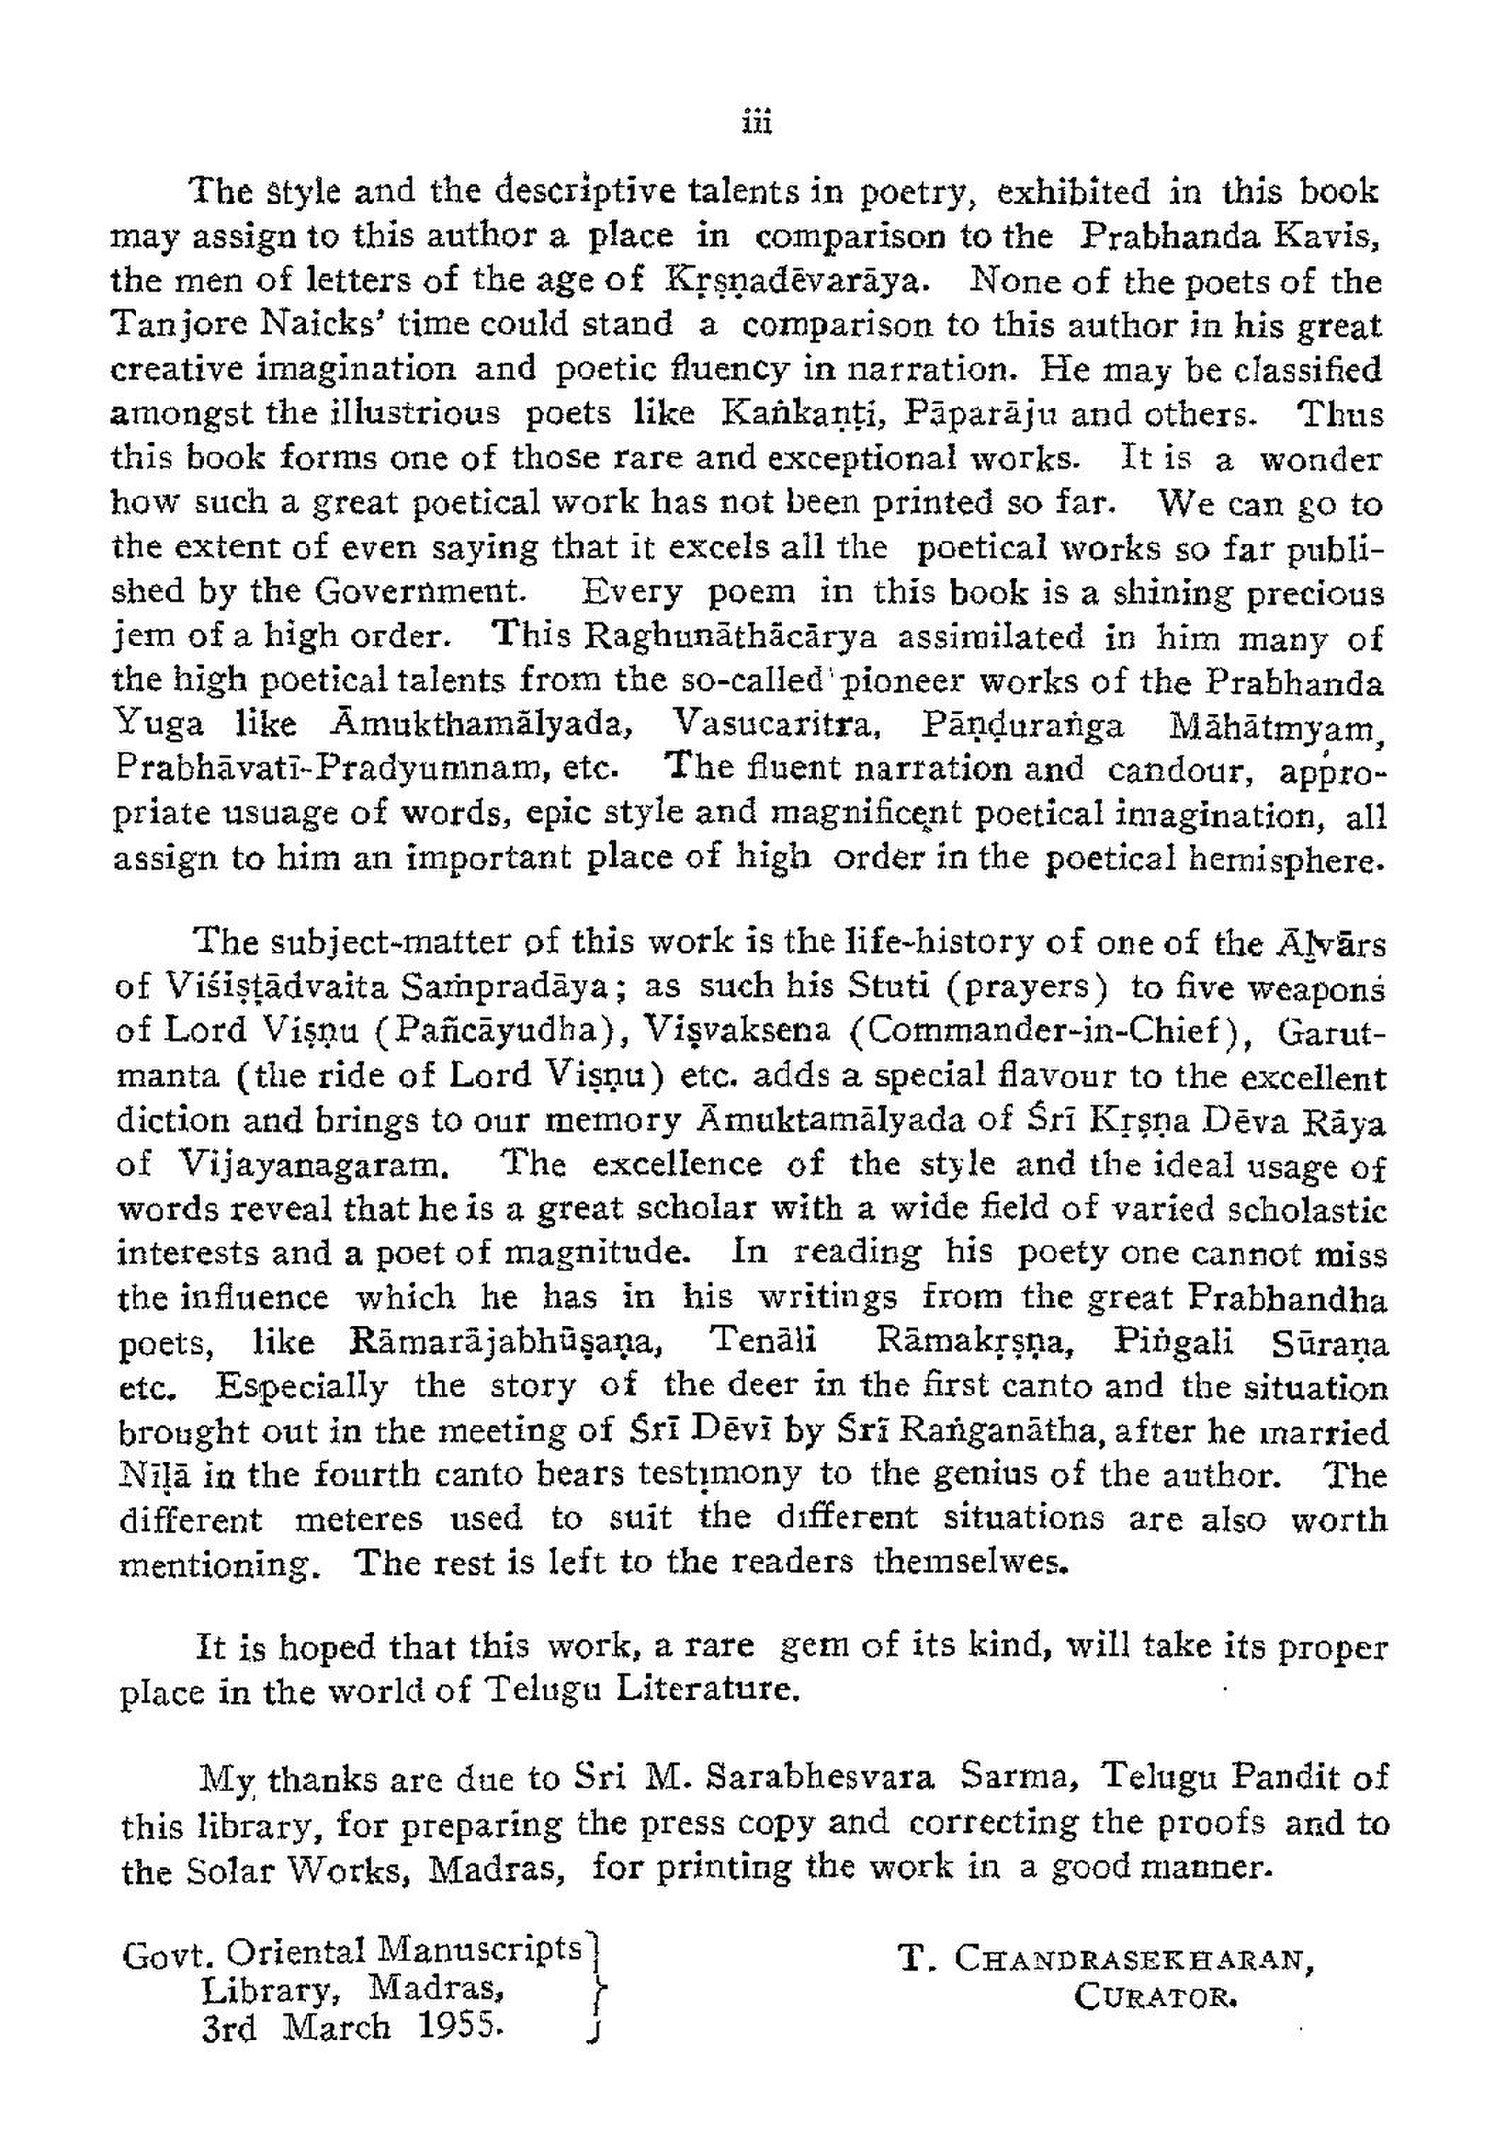The style and the descriptive talents in poetry, exhibited in this book may assign to this author a place in comparison to the Prabhanda Kavis, the men of letters of the age of Kṛṣṇadēvarāya. None of the poets of the Tanjore Naicks' time could stand a comparison to this author in his great creative imagination and poetic fluency in narration. He may be classified amongst the illustrious poets like Kaṅkaṇṭi Pāparāju and others. Thus this book forms one of those rare and exceptional works. It is a wonder how a great poetical work has not been printed so far. We can go to the extent of even saying that it excels all the poetical works so far published by the Government. Every poem in this book is a shining precious gem of a high order. This Raghunāthācārya assimilated in him many of the high poetical talents from the so-called pioneer works of the Prabhanda Yuga like Āmukthamālyada, Vasucaritra, Pāṇḍuraṅga Māhātmyam, Prabhāvatī-Pradyumnam, etc. The fluent narration and candour, appropriate usage of words, epic style and magnificent poetical imagination, all assign to him an important place of high order in the poetical hemisphere.

The subject-matter of this work is the life-history of one of the Alvārs of Viśiṣṭādvaita Sampradāya; as such his Stuti (prayers) to five weapons of Lord Viṣṇu (Pañcāyudha), Viṣvaksena (Commander-in-Chief), Garutmanta (the ride of Lord Viṣņu) etc. adds a special flavour to the excellent diction and brings to our memory Āmuktamālyada of Śrī Kṛṣṇa Dēva Rāya of Vijayanagaram. The excellence of the style and the ideal usage of words reveal that he is a great scholar with a wide field of varied scholastic interests and a poet of magnitude. In reading his poetry one cannot miss the influence which he has in his writings from the great Prabbandha poets, like Rāmarājabhūşana, Tenāli Rāmakṛṣņa, Pingali Sūraņa etc. Especially the story of the deer in the first canto and the situation brought out in the meeting of Śrī Dēvi by Śrī Raṅganātha, after he married Nīlā in the fourth canto bears testimony to the genius of the author. The different metres used to suit the different situations are also worth mentioning. The rest is left to the readers themselves.

It is hoped that this work, a rare gem of its kind, will take its proper place in the world of Telugu Literature,

My thanks are due to Sri M. Sarabhesvara Sarma, Telugu Pandit of this library, for preparing the press copy and correcting the proofs and to the Solar Works, Madras, for printing the work in a good manner.